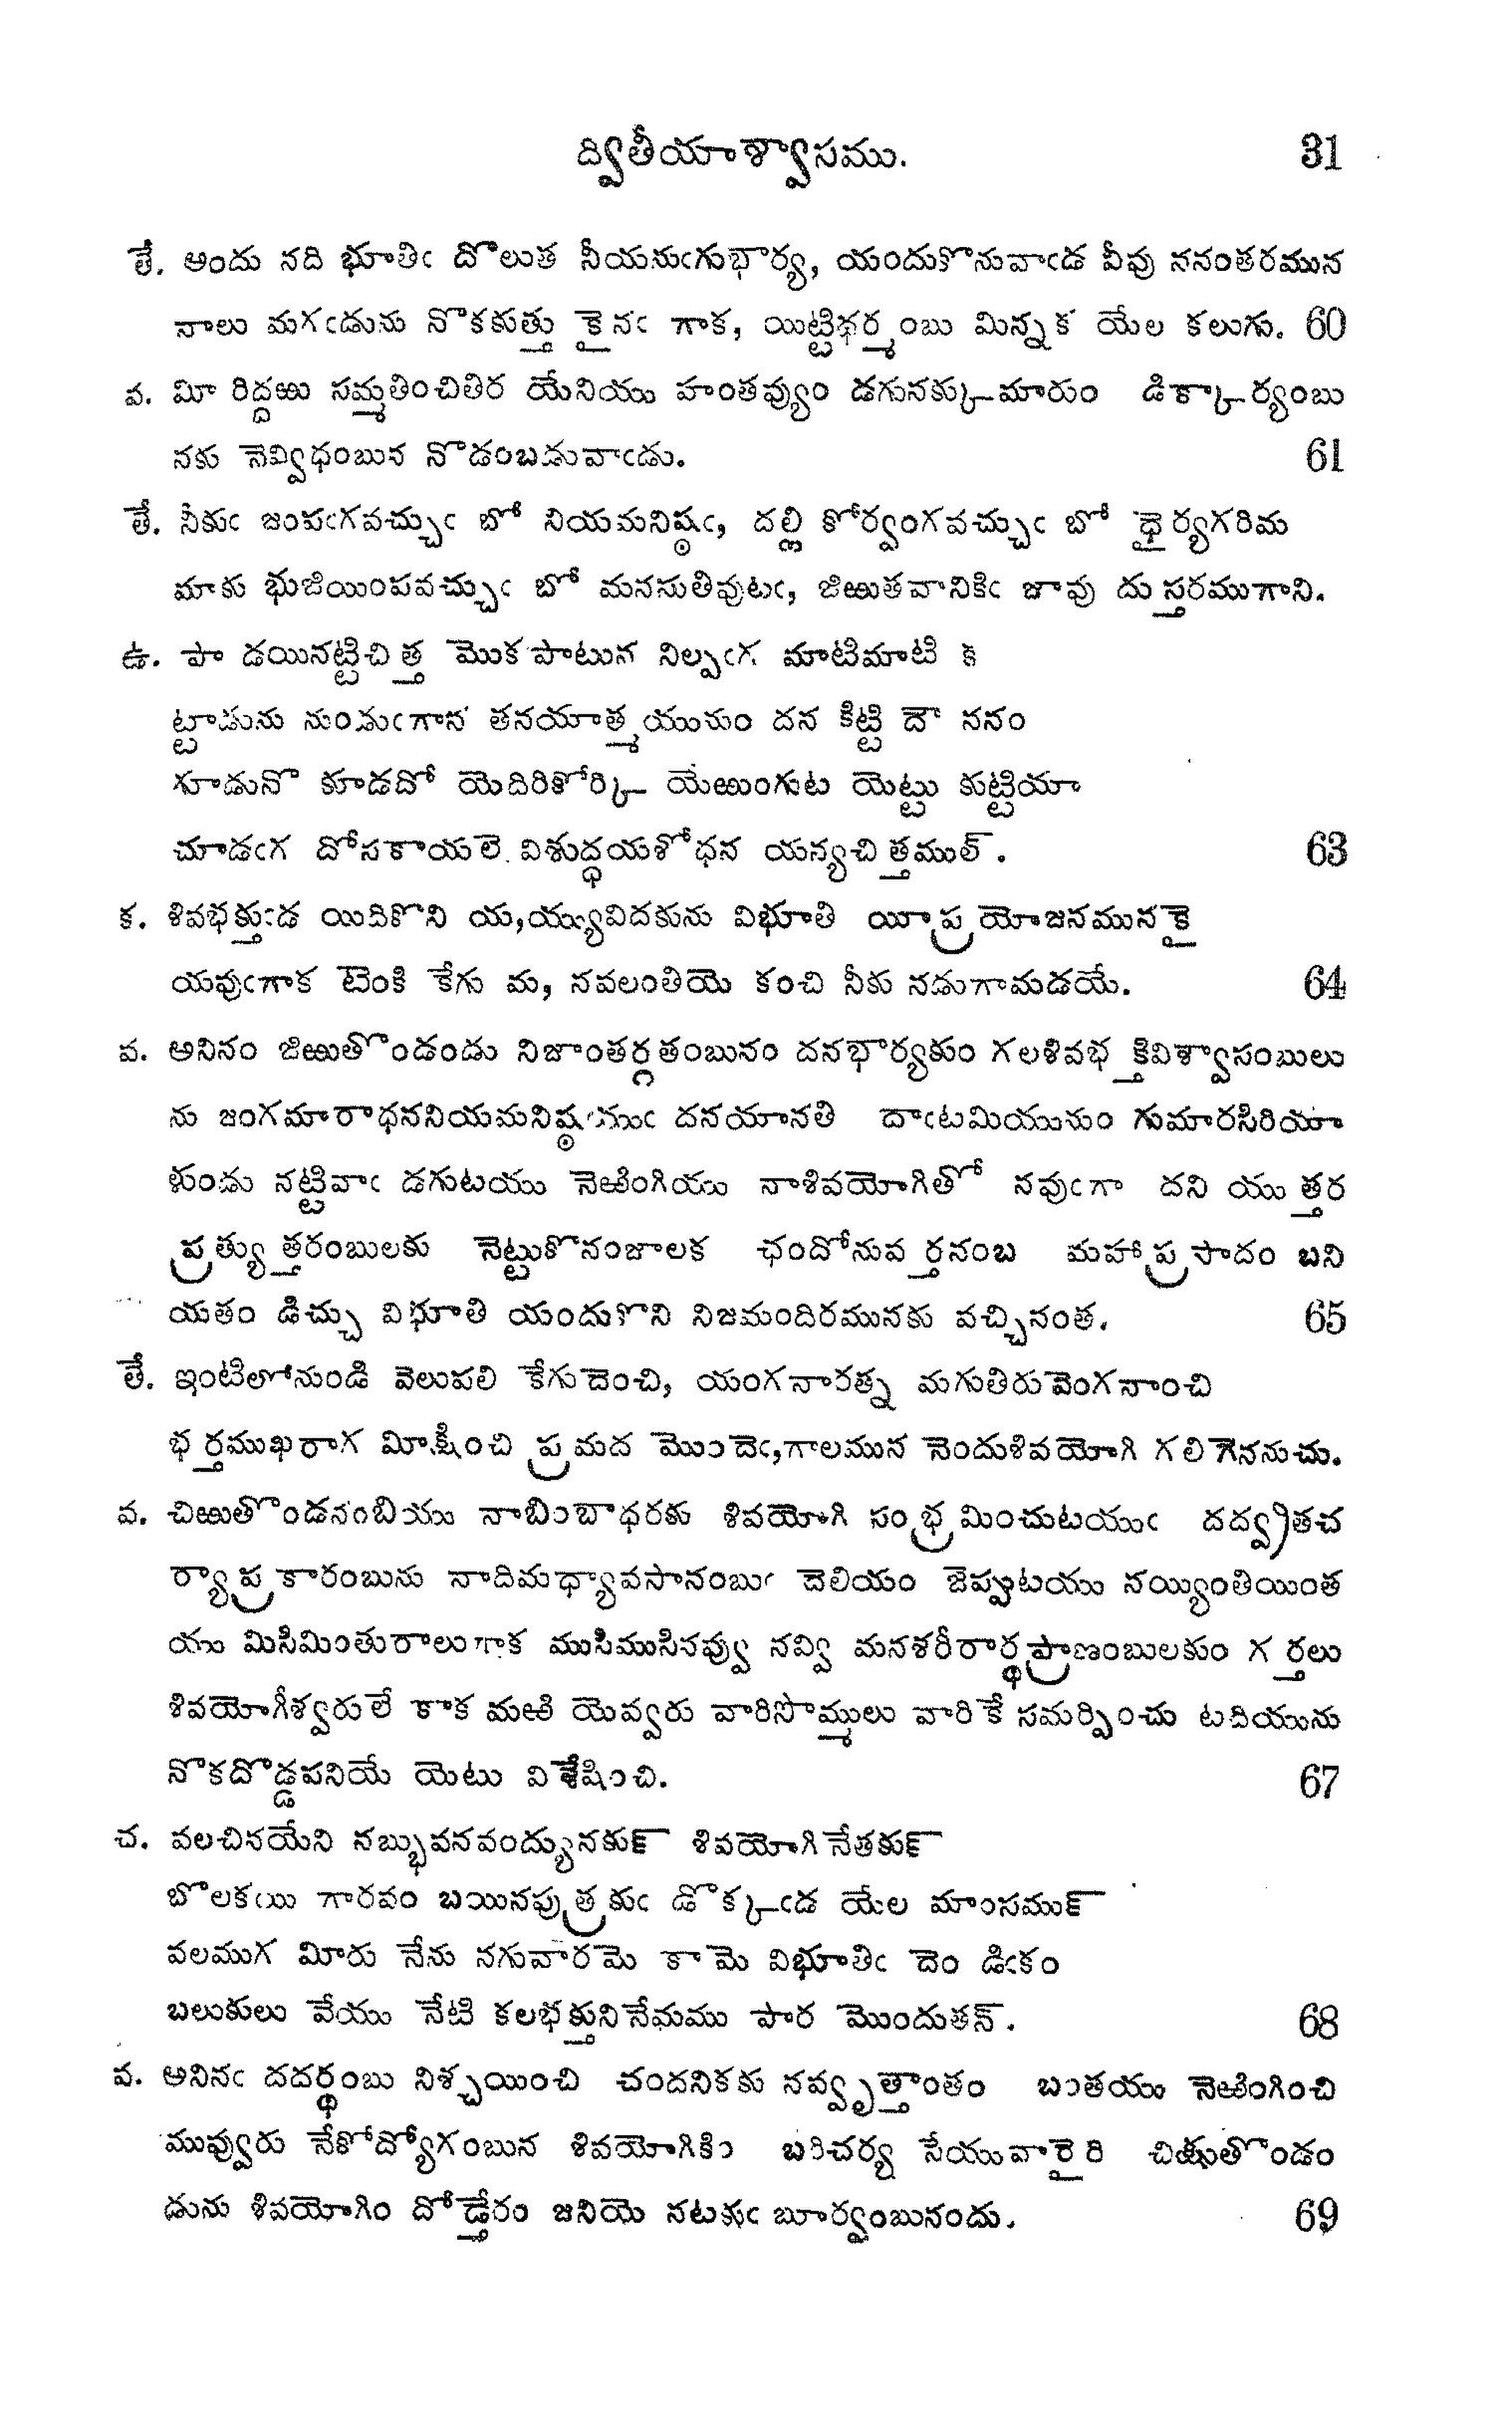తే. అందు నది భూతిఁ దొలుత నీయనుఁగుభార్య, యందుకొనువాఁడ వీవు ననంతరమున
నాలు మగఁడును నొకకుత్తు కైనఁ గాక, యిట్టిధర్మంబు మిన్నక యేల కలుగు. 60

వ. మీ రిద్దఱు సమ్మతించితిర యేనియు హంతవ్యుం డగునక్కుమారుం డిక్కార్యంబునకు నెవ్విధంబున నొడంబడువాఁడు. 61

తే. నీకుఁ జంపఁగవచ్చుఁ బో నియమనిష్ఠఁ, దల్లి కోర్వంగవచ్చుఁ బో ధైర్యగరిమ
మాకు భుజియింపవచ్చుఁ బో మనసుతివుటఁ, జిఱుతవానికిఁ జావు దుస్తరముగాని. 62

ఉ. పా డయినట్టిచిత్త మొకపాటున నిల్పఁగ మాటిమాటి క
ట్టాడును నుండుఁగాన దనయాత్మయునుం దన కిట్టి దౌ ననం
గూడునొ కూడదో యెదిరికోర్కి యెఱుంగుట యెట్టు కుట్టియా
చూడఁగ దోసకాయలె విశుద్ధయశోధన యన్యచిత్తముల్. 63

క. శివభక్తుఁడ యిదికొని య, య్యువిదకును విభూతి యీప్రయోజనమునకై
యవుఁగాక టెంకి కేగు మ, నవలంతియె కంచి నీకు నడుగామడయే. 64

వ. అనినం జిఱుతొండండు నిజాంతర్గతంబునం దనభార్యకుం గలశివభక్తివిశ్వాసంబులును జంగమారాధననియమనిష్ఠయుఁ దనయానతి దాఁటమియునుం గుమారసిరియాళుండు నట్టివాఁ డగుటయు నెఱింగియు నాశివయోగితో నవుఁగా దని యుత్తరప్రత్యుత్తరంబులకు నెట్టుకొనంజాలక ఛందోనువర్తనంబ మహాప్రసాదం బని యతం డిచ్చు విభూతి యందుకొని నిజమందిరమునకు వచ్చినంత. 65

తే. ఇంటిలోనుండి వెలుపలి కేగుదెంచి, యంగనారత్న మగుతిరువెంగనాంచి
భర్తముఖరాగ మీక్షించి ప్రమద మొందెఁ, గాలమున నెందు శివయోగి గలిగెననుచు. 66

వ. చిఱుతొండనంబియు నాబింబాధరకు శివయోగి సంభ్రమించుటయుఁ దద్వ్రతచర్యాప్రకారంబును నాదిమధ్యావసానంబుఁ దెలియం జెప్పుటయు నయ్యింతి యింతయు మిసిమింతురాలు గాక ముసిముసినవ్వు నవ్వి మనశరీరార్థప్రాణంబులకుం గర్తలు శివయోగీశ్వరులే కాక మఱి యెవ్వరు వారిసొమ్ములు వారికే సమర్పించు టదియును నొకదొడ్డపనియే యెటు విశేషించి. 67

చ. వలచినయేని నబ్భువనవంద్యునకున్ శివయోగినేతకున్
బొలకయి గారవం బయినపుత్రకుఁ డొక్కఁడ యేల మాంసమున్
వలముగ మీరు నేను నగువారమె కామె విభూతిఁ దెం డిఁకం
బలుకులు వేయు నేటి కలభక్తునినేమము పార మొందుతన్. 68

వ. అనినఁ దదర్థంబు నిశ్చయించి చందనికకు నవ్వృత్తాంతం బంతయు నెఱింగించు మువ్వురు నేకోద్యోగంబున శివయోగికిం బరిచర్య సేయువారైరి. చిఱుతొండండును శివయోగిం దోడ్తేరం జనియె నటకుఁ బూర్వంబునందు. 69